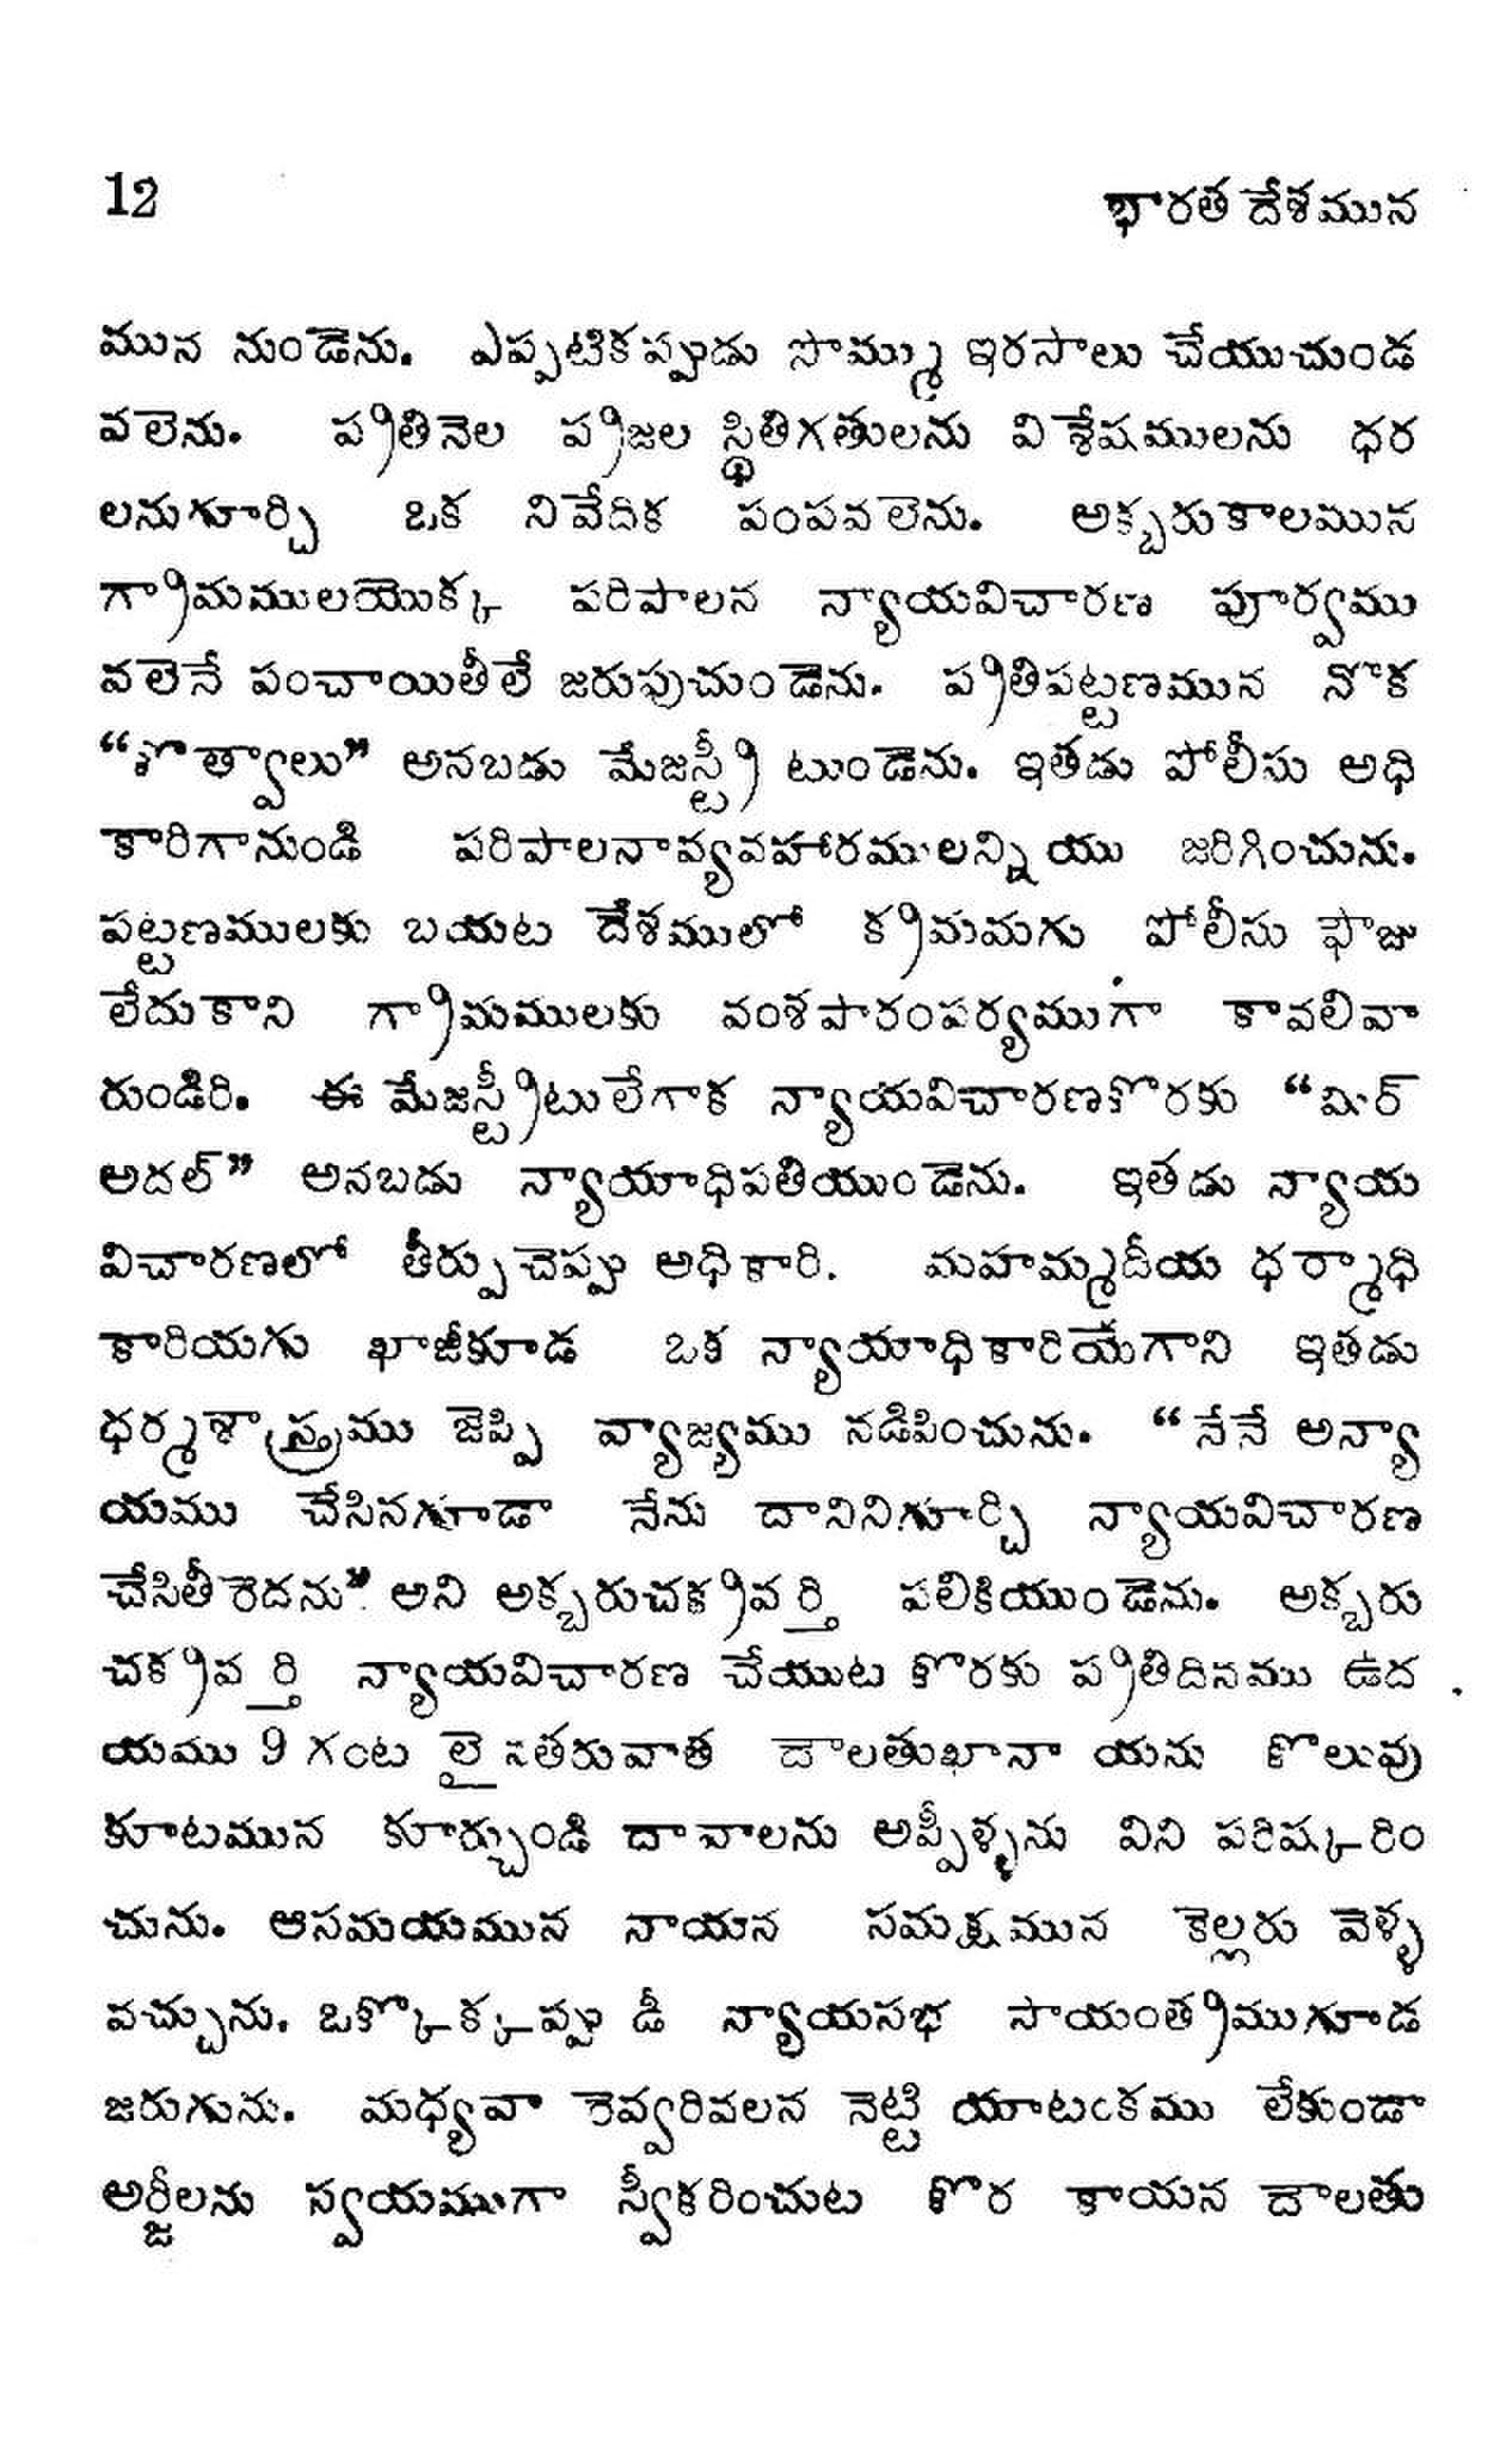మున నుండెను. ఎప్పటికప్పుడు సొమ్ము ఇరసాలు చేయుచుండవలెను. ప్రతినెల ప్రజల స్థితిగతులను విశేషములను ధరలనుగూర్చి ఒక నివేదిక పంపవలెను. అక్బరుకాలమున గ్రామములయొక్క పరిపాలన న్యాయవిచారణ పూర్వము వలెనే పంచాయితీలే జరుపుచుండెను. ప్రతిపట్టణమున నొక "కొత్వాలు" అనబడు మేజస్ట్రీ టుండెను. ఇతడు పోలీసు అధికారిగానుండి పరిపాలనావ్యవహారములన్నియు జరిగించును. పట్టణములకు బయట దేశములో క్రమమగు పోలీసు ఫౌజు లేదుకాని గ్రామములకు వంశపారంపర్యముగా కావలివా రుండిరి. ఈ మేజస్ట్రీటులేగాక న్యాయవిచారణకొరకు “మిర్ అదల్" అనబడు న్యాయాధిపతియుండెను. ఇతడు న్యాయవిచారణలో తీర్పుచెప్పు అధికారి. మహమ్మదీయ ధర్మాధికారియగు ఖాజీకూడ ఒక న్యాయాధికారియేగాని ఇతడు ధర్మశాస్త్రము జెప్పి వ్యాజ్యము నడిపించును. " నేనే అన్యాయము చేసినగూడా నేను దానినిగూర్చి న్యాయవిచారణ చేసితీరెదను" అని అక్బరుచక్రవర్తి పలికియుండెను. అక్బరు చక్రవర్తి న్యాయవిచారణ చేయుట కొరకు ప్రతిదినము ఉదయము 9 గంట లైనతరువాత దౌలతుఖానా యను కొలువుకూటమున కూర్చుండి దావాలను అప్పీళ్ళను విని పరిష్కరించును. ఆసమయమున నాయన సమక్షమున కెల్లరు వెళ్ళవచ్చును. ఒక్కొక్కప్పు డీ న్యాయసభ సాయంత్రముగూడ జరుగును. మధ్యవా రెవ్వరివలన నెట్టి యాటంకము లేకుండా అర్జీలను స్వయముగా స్వీకరించుట కొర కాయన దౌలతు